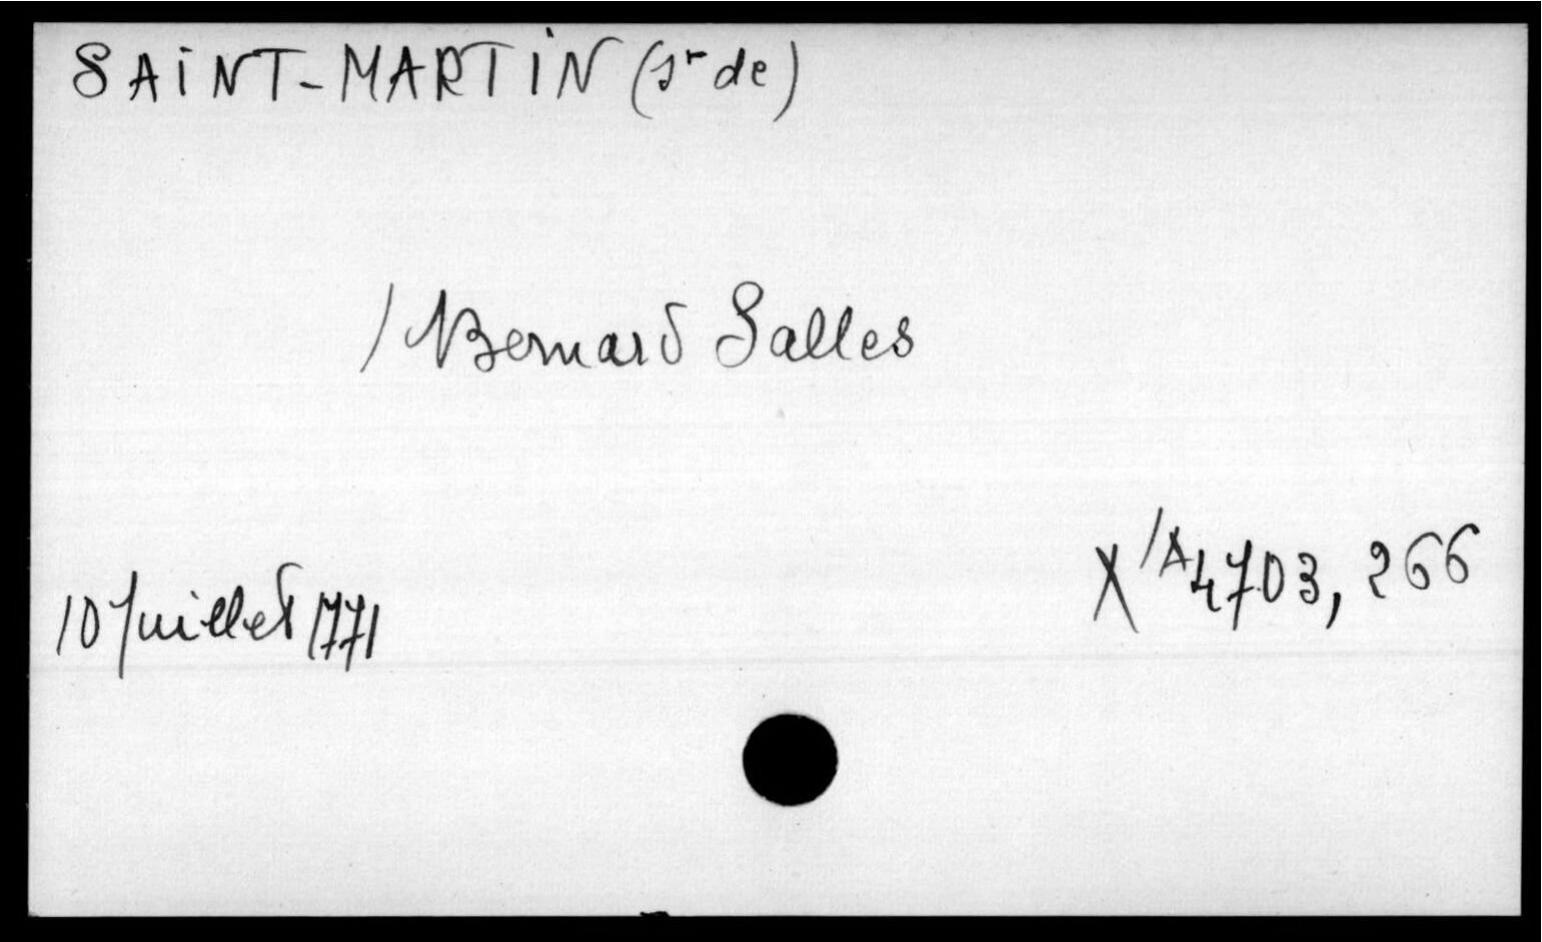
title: SAINT-MARTIN (Sieur de)
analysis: Contre Bernard Salles
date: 10 juillet 1771
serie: X1A
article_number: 4703
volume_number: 266
